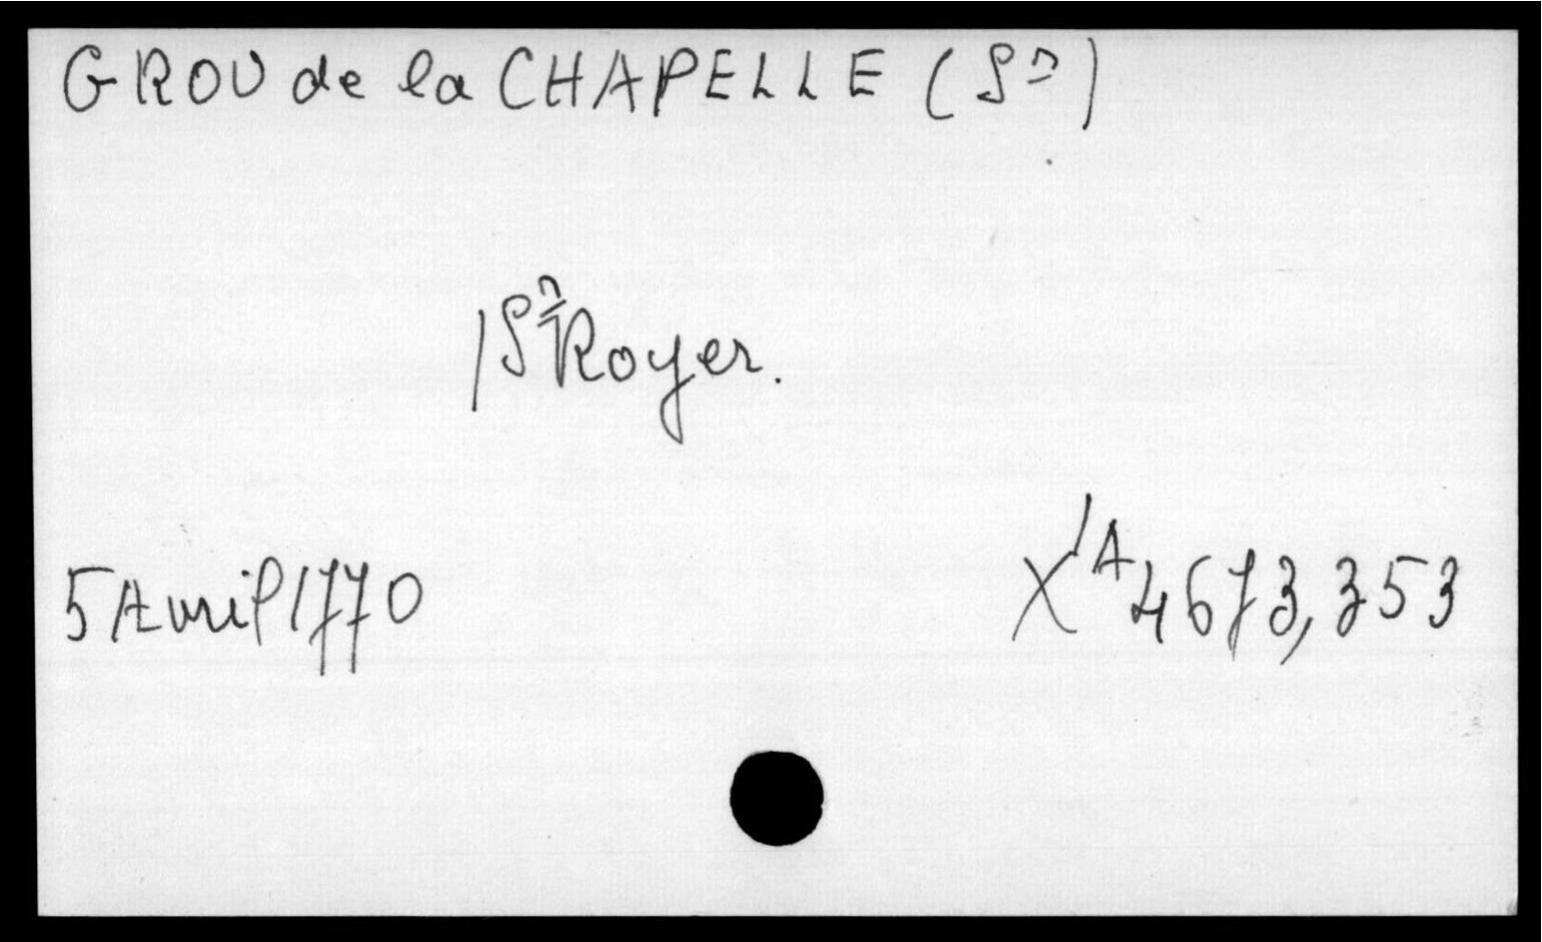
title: GROU de la CHAPELLE (Sieur)
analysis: Contre le sieur Royer
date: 5 avril 1770
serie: X1A
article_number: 4673
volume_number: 353
